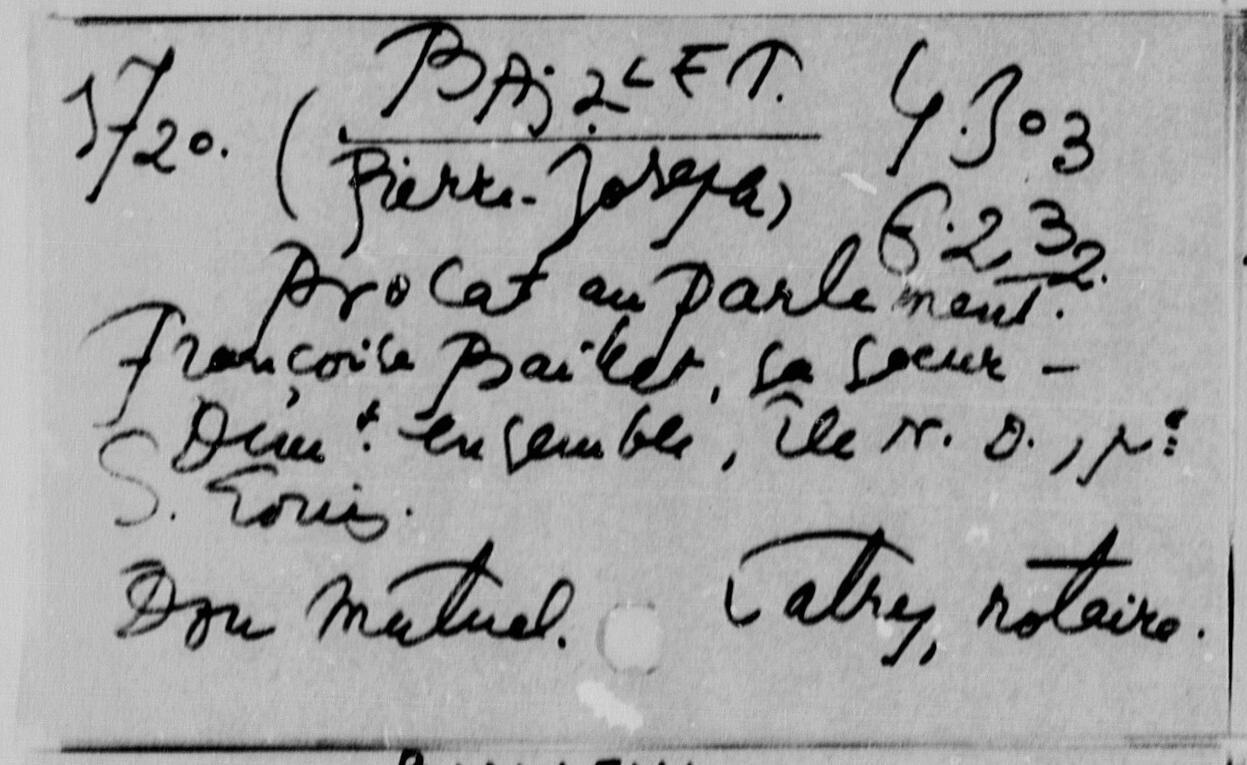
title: BAILLET (Pierre-Joseph)
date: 1720
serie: Y
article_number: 303
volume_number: folio 232
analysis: Avocat au Parlement. Françoise Baillet, sa sœur Demeurant ensemble, île Notre-Dame, paroisse Saint-Louis Don mutuel Vatry, notaire
